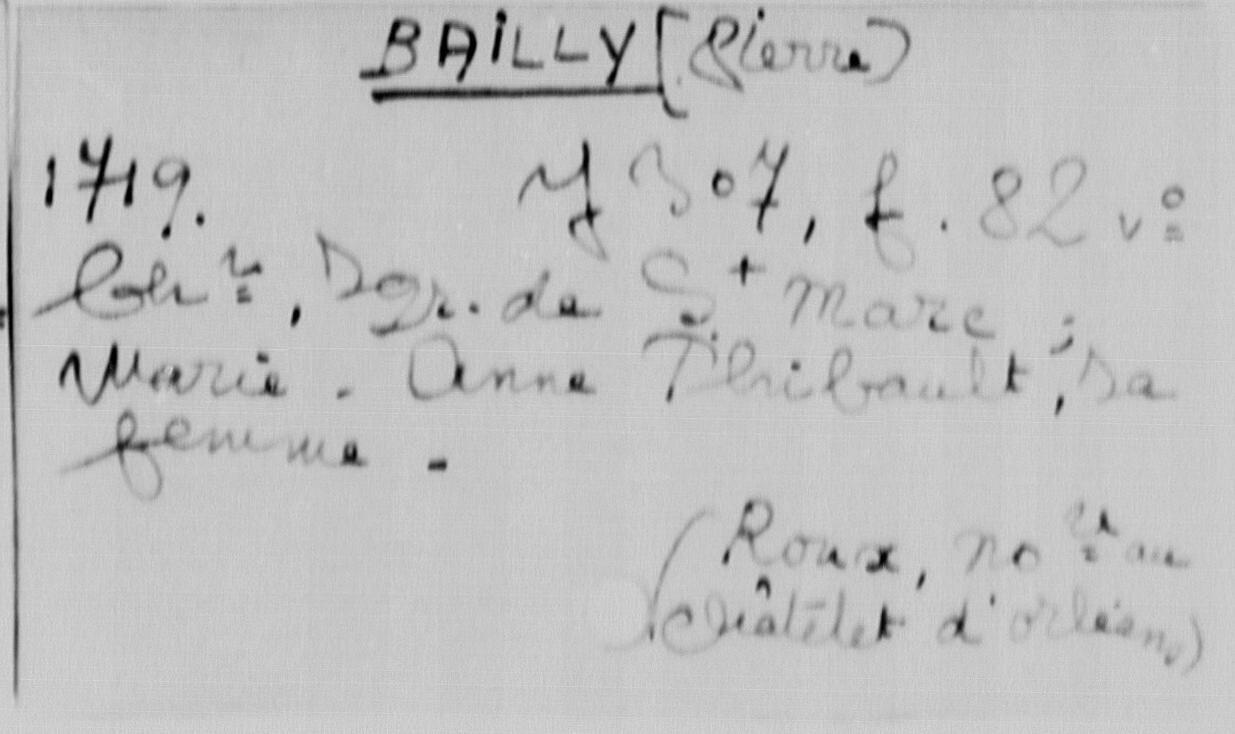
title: BAILLY (Pierre)
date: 1719
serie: Y
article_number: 307
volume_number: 82v
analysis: Chevalier, seigneur de Saint-Marc ; Marie Anne Tibibault, sa femme. (Roux, notaire au Châtelet d'Orléans)
